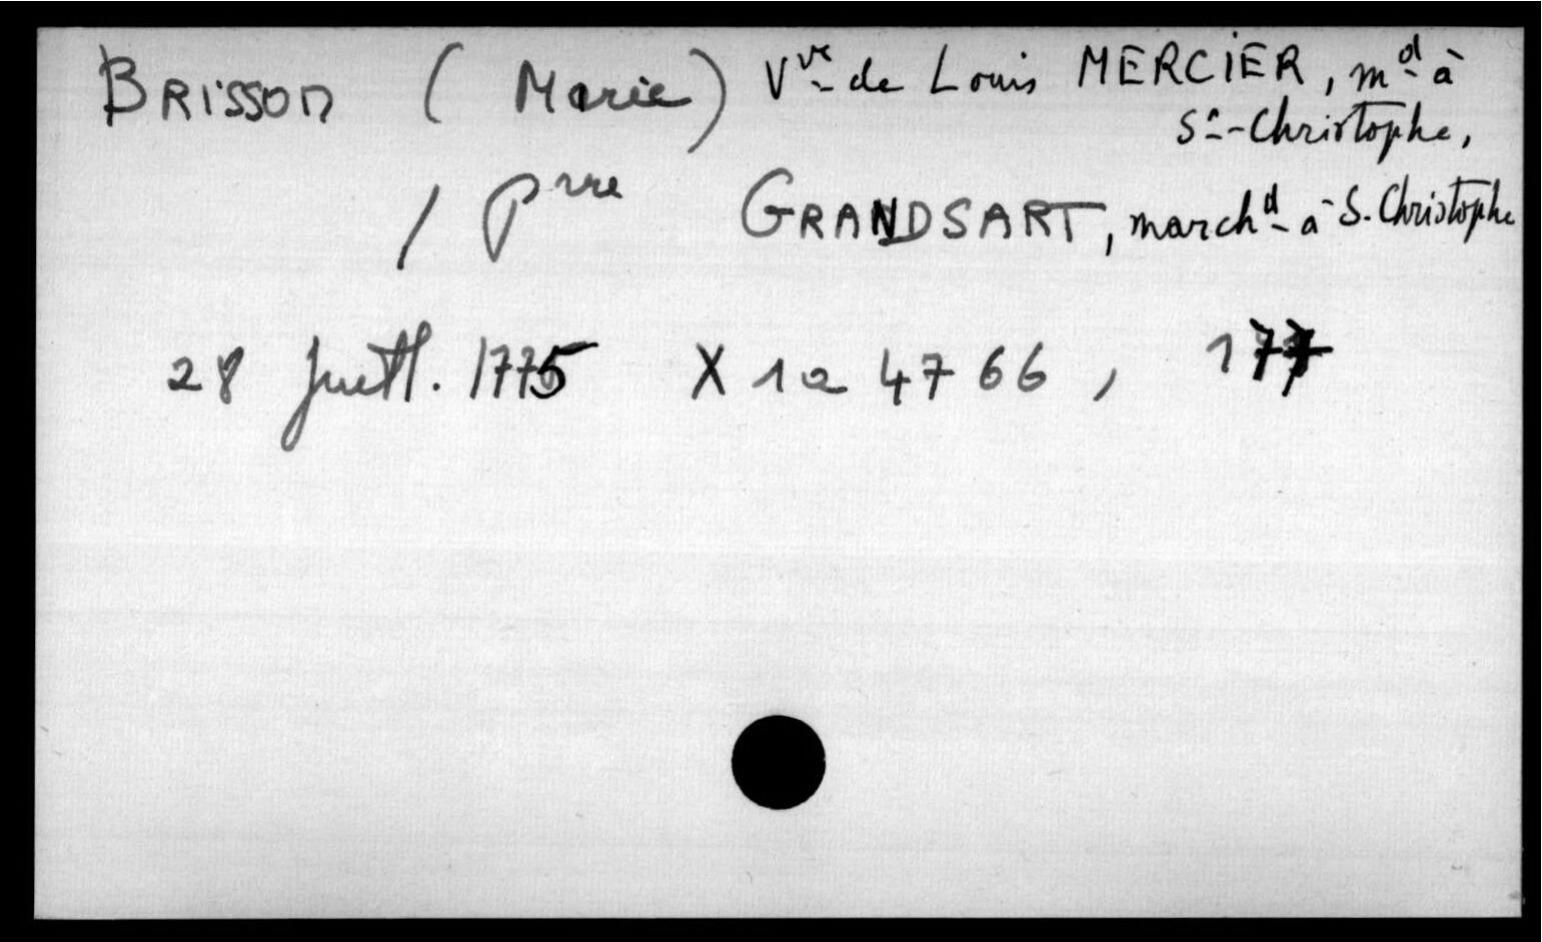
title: BRISON (Marie) Veuve de Louis MERCIER, marchand à Saint-Christophe
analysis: Contre Pierre Gransart, marchand à Saint-Christophe
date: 28 juillet 1775
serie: X1a
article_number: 4766
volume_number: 177
